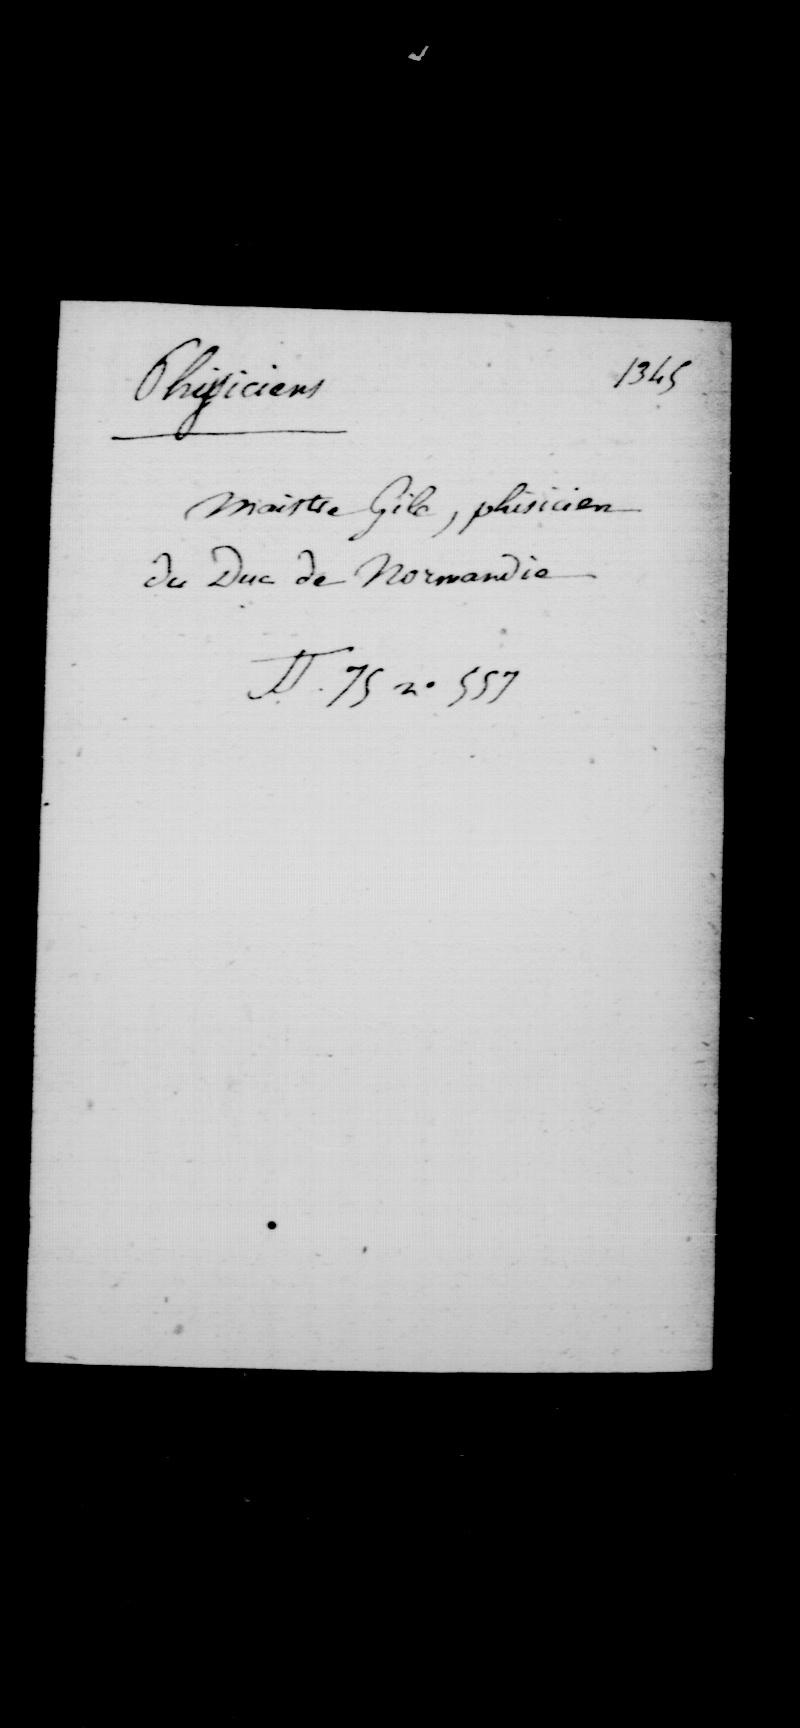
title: Physiciens
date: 1345
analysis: maistre Gile, phisicien du Duc de Normandie
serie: JJ
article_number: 75
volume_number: n° 577
